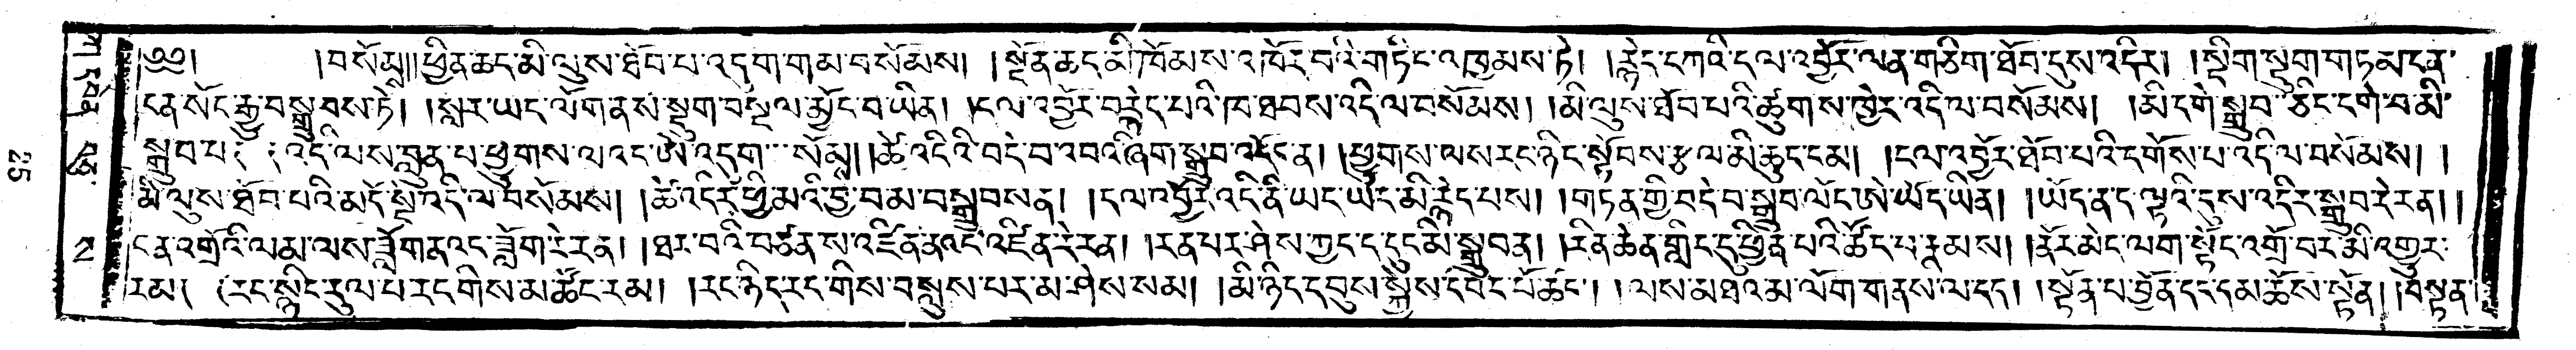༄༅། །བསོམས། །ཕྱིན་ཆད་མི་ལུས་ཐོབ་པ་འདུག་གམ་བསོམས། །སྔོན་ཆད་མི་ཁོམས་འཁོར་བའི་གཏིང་འཁྱམས་ཏེ། །རྙེད་དཀའི་དལ་འབྱོར་ལན་གཅིག་ཐོབ་དུས་འདིར། །སྡིག་སྡུག་གཏམ་ངན་
ངན་སོང་རྒྱུ་བསྒྲུབས་ཏེ། །སླར་ཡང་ལོག་ནས་སྡུག་བསྔལ་མྱོང་བ་ཡིན། །དལ་འབྱོར་བརྙེད་པའི་ཁ་ཐབས་འདི་ལ་བསོམས། །མི་ལུས་ཐོབ་པའི་ཚུགས་ཁྱེར་འདི་ལ་བསོམས། །མི་དགེ་སྒྲུབ་ཅིང་དགེ་བ་མི་
སྒྲུབ་པ༑ ༑འདི་ལས་བླུན་པ་ཕྱུགས་ལའང་ཨེ་འདུག་སོམས། །ཚེ་འདིའི་བདེ་བ་འབའ་ཞིག་སྒྲུབ་འདོང་ན། །ཕྱུགས་ལས་རང་ཉིད་སྟོབས་རྩལ་མི་ཆུང་ངམ། །ངལ་འབྱོར་ཐོབ་པའི་དགོས་པ་འདི་ལ་བསོམས། །
མི་ལུས་ཐོབ་པའི་མདོ་སྡེ་འདི་ལ་བསོམས། །ཚེ་འདིར་ཕྱི་མའི་བྱ་བ་མ་བསྒྲུབས་ན། །དལ་འབྱོར་འདི་ནི་ཡང་ཡང་མི་རྙེད་པས། །གཏན་གྱི་བདེ་བ་སྒྲུབ་ལོང་ཨེ་ཡོད་ཡིན། །ཡོད་ན་ད་ལྟའི་དུས་འདིར་སྒྲུབ་རེ་རན། །
ངན་འགྲོའི་ལམ་ལས་ཟློག་ནའང་ཟློག་རེ་རན། །ཐར་བའི་བཙན་ས་འཛིན་ནའང་འཛིན་རེ་རན། །རན་པར་ཤེས་ཀྱང་ད་དུང་མི་སྒྲུབ་ན། །རིན་ཆེན་གླིང་དུ་ཕྱིན་པའི་ཚོང་པ་རྣམས། །ནོར་མེད་ལག་སྟོང་འགྲོ་བར་མི་འགྱུར་
རམ༑ །རང་སྙིང་རུལ་པ་རང་གིས་མ་ཚོང་རམ། །རང་ཉིད་རང་གིས་བསླུས་པར་མ་ཤེས་སམ། །མི་ཉིད་དབུས་སྐྱེས་དབང་པོ་ཚང་། །ལས་མཐའ་མ་ལོག་གནས་ལ་དད། །སྟོན་པ་བྱོན་དང་དམ་ཆོས་སྟོན། །བསྟན་